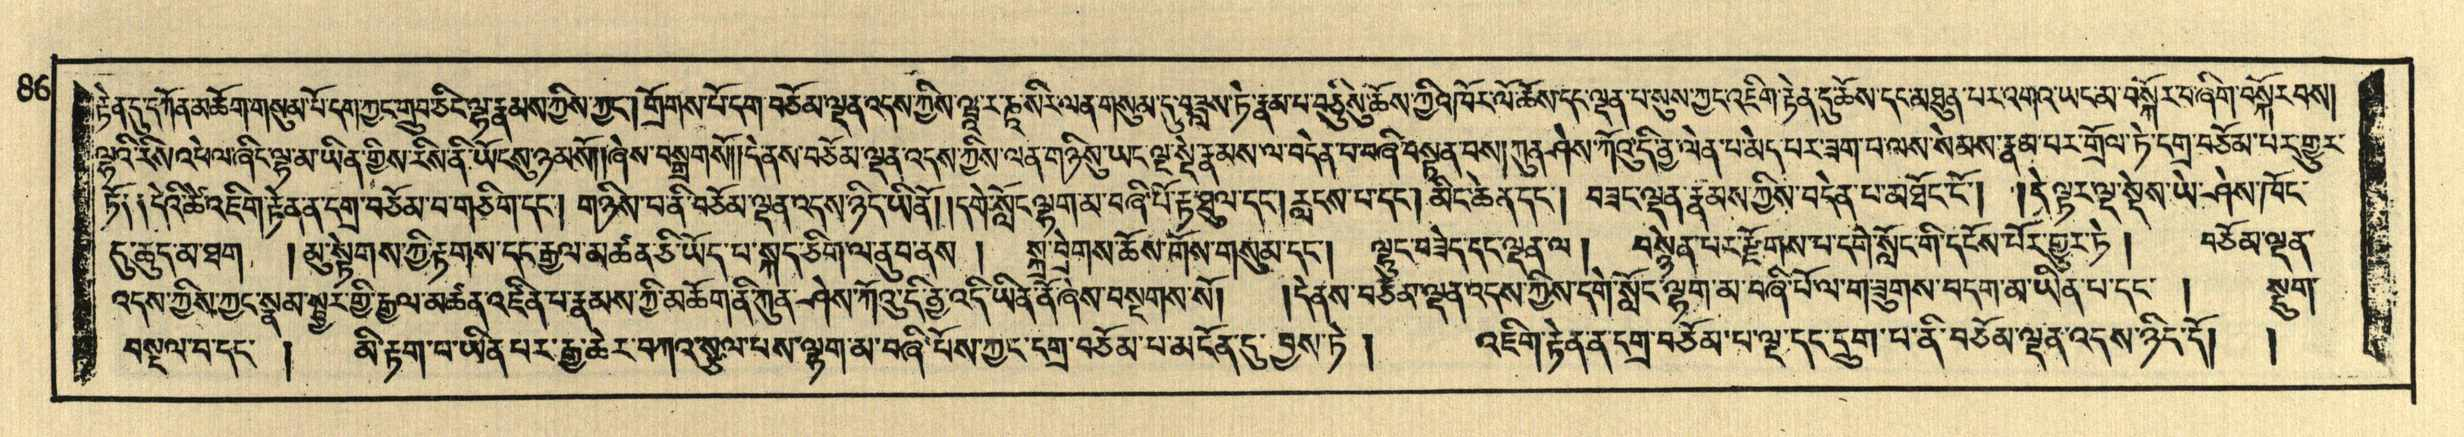རྟེན་དུ་དཀོན་མཆོག་གསུམ་པོ་དག་ཀྱང་གྲུབ་ཅིང་ལྷ་རྣམས་ཀྱིས་ཀྱང་། གྲོགས་པོ་དག་བཅོམ་ལྡན་འདས་ཀྱིས་ཝཱ་ར་ཎཱ་སིར་ལན་གསུམ་དུ་བཟླས་ཏེ་རྣམ་པ་བཅུའི་སུམ་ཆོས་ཀྱི་འཁོར་ལོ་ཆོས་དང་ལྡན་པ་སུས་ཀྱང་འཇིག་རྟེན་དུ་ཆོས་དང་མཐུན་པར་འགའ་ཡང་མ་བསྐོར་བ་ཞིག་བསྐོར་བས།
ལྷའི་རིས་འཕེལ་ཞིང་ལྷ་མ་ཡིན་གྱིས་རིས་ནི་ཡོངས་སུ་ཉམས་སོ། །ཞེས་བསྒྲགས་སོ། །དེ་ནས་བཅོམ་ལྡན་འདས་ཀྱིས་ལན་གཉིས་སུ་ཡང་ལྔ་སྡེ་རྣམས་ལ་བདེན་པ་བཞི་བསྟན་བས། ཀུན་ཤེས་ཀོའུ་དི་ནྱ་ལེན་པ་མེད་པར་ཟག་པ་ལས་སེམས་རྣམ་པར་གྲོལ་ཏེ་དགྲ་བཅོམ་པར་གྱུར་
ཏོ༑ ༑དེའི་ཚེ་འཇིག་རྟེན་ན་དགྲ་བཅོམ་བ་གཅིག་དང་། གཉིས་པ་ནི་བཅོམ་ལྡན་འདས་ཉིད་ཡིན་ནོ། །དགེ་སློང་ལྷག་མ་བཞི་པོ་རྟ་ཐུལ་དང་། རླངས་པ་དང་། མིང་ཆེན་དང་། བཟང་ལྡན་རྣམས་ཀྱིས་བདེན་པ་མཐོང་ངོ། །དེ་ལྟར་ལྔ་སྡེས་ཡེ་ཤེས་ཁོང་
དུ་ཆུད་མ་ཐག །མུ་སྟེགས་ཀྱི་རྟགས་དང་རྒྱལ་མཚན་ཅི་ཡོད་པ་སྐད་ཅིག་ལ་ནུབ་ནས། སྐྲ་བྲེགས་ཆོས་གོས་གསུམ་དང་། ལྷུང་བཟེད་དང་ལྡན་ལ། བསྙེན་པར་རྫོགས་པ་དགེ་སློང་གི་དངོས་པོར་གྱུར་ཏེ། བཅོམ་ལྡན་
འདས་ཀྱིས་ཀྱང་སྣམ་སྦྱར་གྱི་རྒྱལ་མཚན་འཛིན་པ་རྣམས་ཀྱི་མཆོག་ནི་ཀུན་ཤེས་ཀོའུ་དི་ནྱ་འདི་ཡིན་ནོ་ཞེས་བསྔགས་སོ། །དེ་ནས་བཅོམ་ལྡན་འདས་ཀྱིས་དགེ་སློང་ལྷག་མ་བཞི་པོ་ལ་གཟུགས་བདག་མ་ཡིན་པ་དང་། སྡུག་
བསྔལ་བ་དང་། མི་རྟག་པ་ཡིན་པར་རྒྱ་ཆེར་བཀའ་སྩལ་པས་ལྷག་མ་བཞི་པོས་ཀྱང་དགྲ་བཅོམ་པ་མངོན་དུ་བྱས་ཏེ། འཇིག་རྟེན་ན་དགྲ་བཅོམ་པ་ལྔ་དང་དྲུག་པ་ནི་བཅོམ་ལྡན་འདས་ཉིད་དོ། །